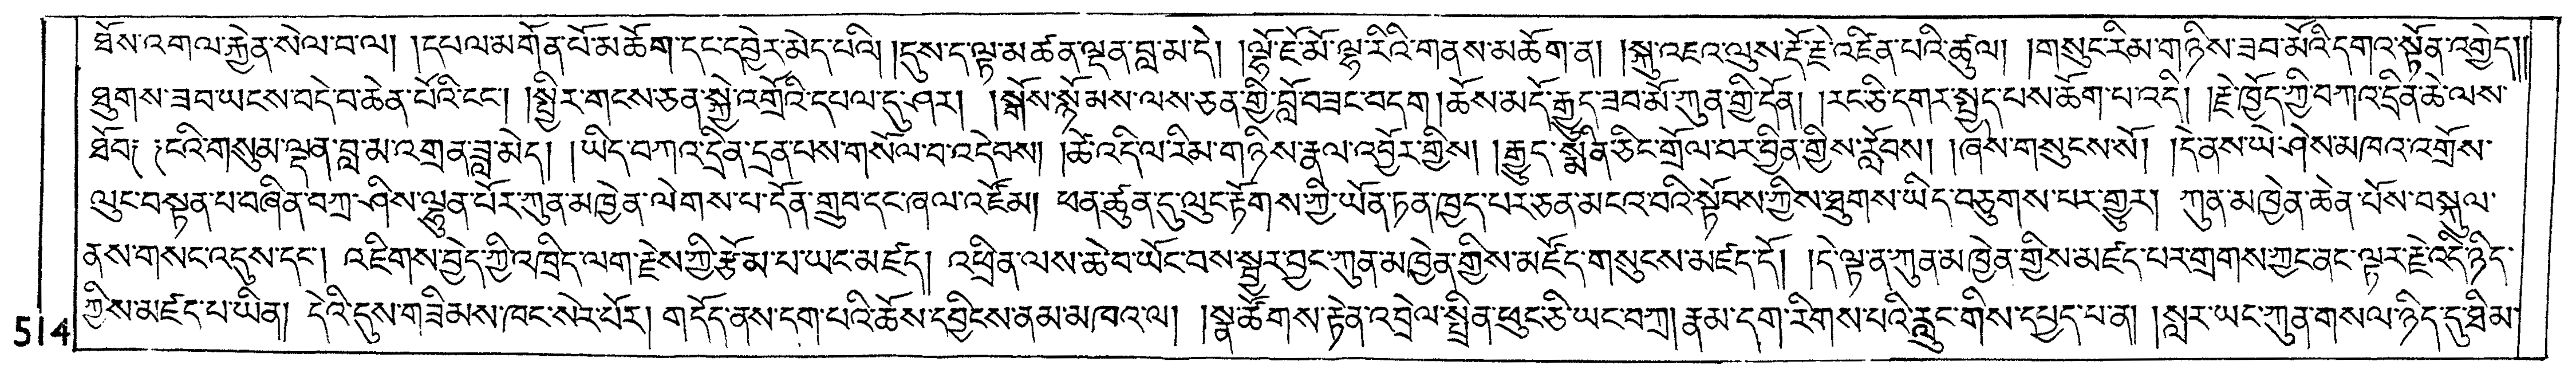ཐོས་འགལ་རྐྱེན་སེལ་བ་ལ། །དཔལ་མགོན་པོ་མཆོག་དང་དབྱེར་མེད་པའི། །དུས་ད་ལྟ་མཚན་ལྡན་བླ་མ་དེ། །ལྷོ་ཇོ་མོ་ལྷ་རིའི་གནས་མཆོག་ན། །སྐུ་འཇའ་ལུས་རྡོ་རྗེ་འཛིན་པའི་ཚུལ། །གསུང་རིམ་གཉིས་ཟབ་མོའི་དགའ་སྟོན་འགྱེད། །
ཐུགས་ཟབ་ཡངས་བདེ་བ་ཆེན་པོའི་ངང་། །སྤྱིར་གངས་ཅན་སྐྱེ་འགྲོའི་དཔལ་དུ་ཤར། །སྒོས་སྙོམས་ལས་ཅན་གྱི་བློ་བཟང་བདག །ཆོས་མདོ་རྒྱུད་ཟབ་མོ་ཀུན་གྱི་དོན། །རང་ཅི་དགར་སྤྱད་པས་ཆོག་པ་འདི། །རྗེ་ཁྱོད་ཀྱི་བཀའ་དྲིན་ཆེ་ལས་
ཐོབ༑ ༑ངའི་གསུམ་ལྡན་བླ་མ་འགྲན་ཟླ་མེད། །ཡིད་བཀའ་དྲིན་དྲན་པས་གསོལ་བ་འདེབས། །ཚེ་འདི་ལ་རིམ་གཉིས་རྣལ་འབྱོར་གྱིས། །རྒྱུད་སྨིན་ཅིང་གྲོལ་བར་བྱིན་གྱིས་རློབས། །ཞེས་གསུངས་སོ། །དེ་ནས་ཡེ་ཤེས་མཁའ་འགྲོས་
ལུང་བསྟན་པ་བཞིན་བཀྲ་ཤིས་ལྷུན་པོར་ཀུན་མཁྱེན་ལེགས་པ་དོན་གྲུབ་དང་ཞལ་འཛོམ། ཕན་ཚུན་དུ་ལུང་རྟོགས་ཀྱི་ཡོན་ཏན་ཁྱད་པར་ཅན་མངའ་བའི་སྟོབས་ཀྱིས་ཐུགས་ཡིད་བཅུགས་པར་གྱུར། ཀུན་མཁྱེན་ཆེན་པོས་བསྐུལ་
ནས་གསང་འདུས་དང་། འཇིགས་བྱེད་ཀྱི་འཁྲིད་ལག་རྗེས་ཀྱི་རྩོམ་པ་ཡང་མཛད། འཕྲིན་ལས་ཆེ་བ་ཡོང་བས་སྦྱར་བྱང་ཀུན་མཁྱེན་གྱིས་མཛོད་གསུངས་མཛད་དོ། །དེ་ལྟ་ན་ཀུན་མཁྱེན་གྱིས་མཛད་པར་གྲགས་ཀྱང་ནང་ལྟར་རྗེ་འདི་ཉིད་
ཀྱིས་མཛད་པ་ཡིན། དེའི་དུས་གཟིམས་ཁང་སེར་པོར། གདོད་ནས་དག་པའི་ཆོས་དབྱིངས་ནམ་མཁའ་ལ། །སྣ་ཚོགས་རྟེན་འབྲེལ་སྤྲིན་ཕུང་ཅི་ཡང་བཀྲ། རྣམ་དག་རིགས་པའི་རླུང་གིས་དཔྱད་པ་ན། །སླར་ཡང་ཀུན་གསལ་ཉིད་དུ་ཐིམ་